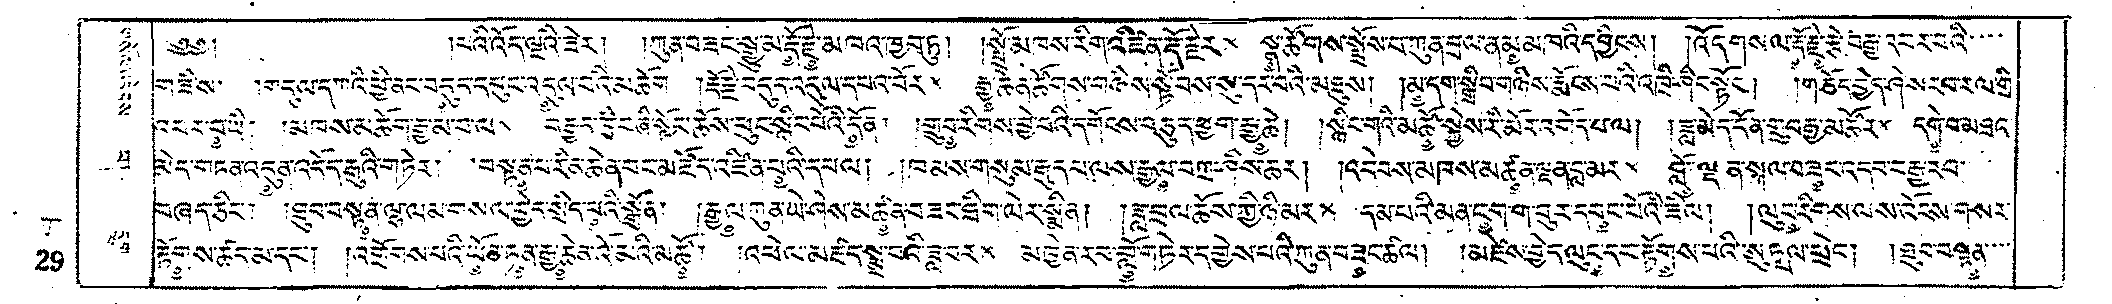༄༅། །པའི་འོད་ལྔའི་ཟེར། །ཀུན་བཟང་སྒྱུ་མ་རྡོཾ་རྗེཾ་མཁའ་ཁྱབ་ཏུ། །སྤྲོ་མཁས་རིག་འཛིན་རྡོ་རྗེར་྾་སྣཾ་ཚོགས་སྤྲོས་པ་ཀུན་བྲལ་ནམཾ་མཁའི་དབྱིངས། །འོད་གསལ་རྡོཾ་རྗེཾ་བརྒྱ་འབར་བའི་་་
གཟིས། །གདུལ་དཀའི་ཕྱི་ནང་བདུདཾ་དཔུང་འདུལཾ་བའི་མཆོག །རྡོ་རྗེ་བདུད་འདུལ་དཔའ་བོར་྾་རྒྱཾ་ཆེན་ཚོགས་གཉིས་སྟོབས་སུ་དར་བའི་མཐུས། །མཾ་དག་སྒྲིབ་གཉིས་རྨོངས་པའི་འཁྲི་ཤིང་སྟོང་། །གཅོད་བྱེད་ཤེས་རབ་རལ་གྲི་
འབར་བཾ་ཡི། །མཁས་མཆོག་རྒྱ་མ་བ་ལ་྾་བརྒྱད་ཁྲི་བཞི་སྟོང་ཆོས་ཕུང་སྙིང་པོའི་དོནཾ། །གྲུབཾ་རིགས་བྱེ་བའི་དགོངས་བཅུད་ཕྱག་རྒྱཾ་ཆེ། །སྙིང་གའི་མཚོཾ་སྐྱེས་རི་མོར་འགོད་པ་ལ། །ཟླ་མེད་དོན་གྲུབ་རྒྱ་མཚོར་྾་དགེཾ་བ་མཐའ་
མེད་གཏན་འདུནཾ་འདོད་རྒུའི་གཏེར། །བསྟནཾ་པ་རིན་ཆེན་བང་མཛོད་འཛིན་པའིཾ་དཔལ། །ཁམས་གསུམ་རྒུད་པ་ལས་རྒྱལཾ་བཀྲ་ཤིས་ཆར། །འབེབས་མཁས་མཚནཾ་ལྡན་བླ་མར་྾་བློཾ་ལྡན་སྐལ་བཟངཾ་འདབ་བརྒྱ་རབ་
བཞད་ཅིང་། །ཐུབ་བསྟནཾ་ལྷ་ལམ་གསལ་བྱེད་སྲིད་པའིཾ་སྒྲོན། །རྒྱལཾ་ཀུན་ཡེ་ཤེས་མཚནཾ་བཟང་ཐིག་ལེར་སྨིན། །ཟླ་བྲལ་ཆོས་ཀྱི་ཉི་མར་྾་དམ་པའི་མན་ངག་ག་བུར་དབངཾ་པོའི་ཟིལ། །ལུངཾ་རིགས་ལས་འོངས་གསར་
རྟོགསཾ་ཚད་མ་དང་། །འགྲོགས་པའི་ཡོནཾ་ཏནཾ་རྒྱཾ་ཆེན་འོ་མའི་མཚོཾ། །འཕེལ་མཛད་སྨྲ་བའི་ཟླ་བར་྾་མཁྱེན་རབ་བློཾ་གཏེར་དགྱེས་པའི་ཀུན་བཟངཾ་ཚལ། །མཛེས་བྱེད་ལུངཾ་དང་རྟོགསཾ་པའི་ཨུཏྤལ་ཕྲེང་། །ཐུབ་བསྟནཾ་་་